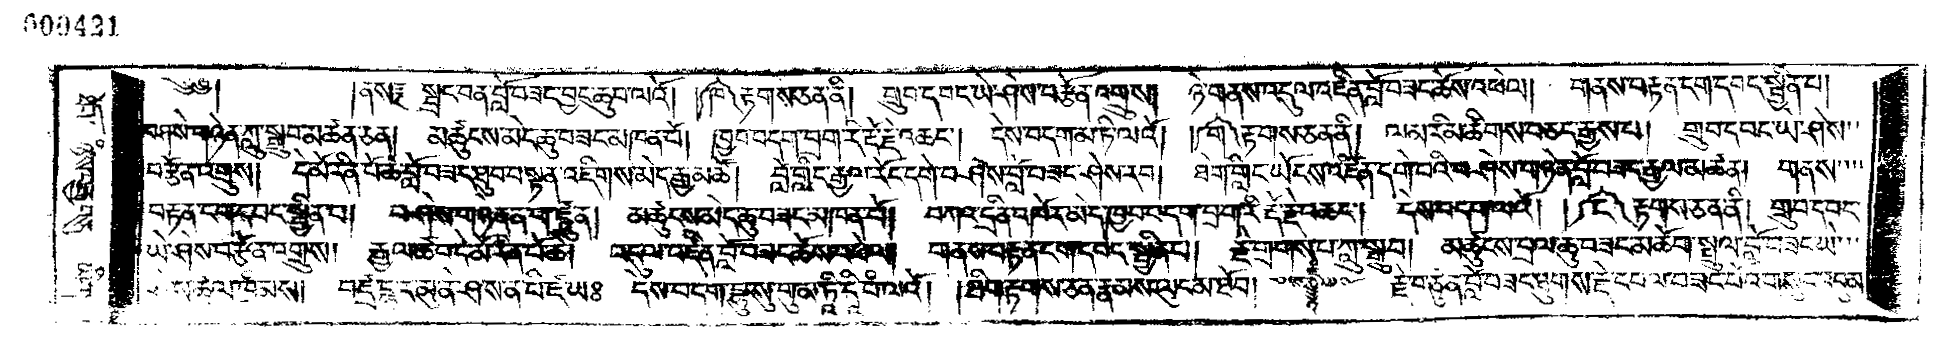༄༅། །ནས༑ སྦྲང་བན་བློ་བཟང་བྱང་ཆུབ་ལའོ། །༼ཁ༽ རྟགས་ཅན་ནི། གྲུབ་དབང་ཡེ་ཤེས་བརྩོན་འགྲུས། ཉེ་གནས་འདུལ་འཛིན་བློ་བཟང་ཆོས་འཕེལ། གནས་བརྟན་ངག་དབང་སྦྱིན་པ།
བཤེས་གཉེན་ཀླུ་སྒྲུབ་མཚན་ཅན། མཚུངས་མེད་ཆུ་བཟང་མཁན་པོ། ཁྱབ་བདག་བྲག་རི་རྡོ་རྗེ་འཆང་། དེས་བདག་མ་ཏི་ལའོ། །༼ག༽ རྟགས་ཅན་ནི། ལམ་རིམ་ཚིགས་བཅད་རྒྱས་པ། གྲུབ་དབང་ཡེ་ཤེས་
བརྩོན་འགྲུས། དེ་མོ་རིན་པོ་ཆེ་བློ་བཟང་ཐུབ་བསྟན་འཇིགས་མེད་རྒྱ་མཚོ། བློ་གླིང་རྒྱལ་རོང་དགེ་བཤེས་བློ་བཟང་ཤེས་རབ། ཐེག་གླིང་ཡོངས་འཛིན་དགེ་བའི་ཤེས་གཉེན་བློ་བཟང་རྒྱལ་མཚན། གནས་
བརྟན་ངག་དབང་སྦྱིན་པ། བཤེས་གཉེན་ན་ག་ཛཱུ་ན། མཚུངས་མེད་ཆུ་བཟང་མཁན་པོ། བཀའ་དྲིན་འཁོར་མེད་ཁྱབ་བདག་བྲག་རི་རྡོ་རྗེ་འཆང་། དེས་བདག་ལའོ། །༼ང༽ རྟགས་ཅན་ནི། གྲུབ་དབང་
ཡེ་ཤེས་བརྩོན་འགྲུས། རྒྱལ་ཚབ་དེ་མོ་རིན་པོ་ཆེ། འདུལ་འཛིན་བློ་བཟང་ཆོས་འཕེལ། གནས་བརྟན་ངག་དབང་སྦྱིན་པ། རྗེ་གྲགས་པ་ཀླུ་སྒྲུབ། མཚུངས་བྲལ་ཆུ་བཟང་མཆོག་སྤྲུལ་བློ་བཟང་ཡེ་
ཤེས་ཚུལ་ཁྲིམས། བཛྲ་དྷ་ར་མུ་ནེ་ཤས་ན་བི་ཛ་ཡཿ དེས་བདག་བྷུ་སུ་གུ་མ་ཏཱི་དཱི་བཾ་ལའོ། །ཐིག་རྟགས་ཅན་རྣམས་ལུང་མ་ཐོབ། རྗེ་བཙུན་བློ་བཟང་ཐུགས་རྗེ་དཔལ་བཟང་པོའི་གསུང་འབུམ་